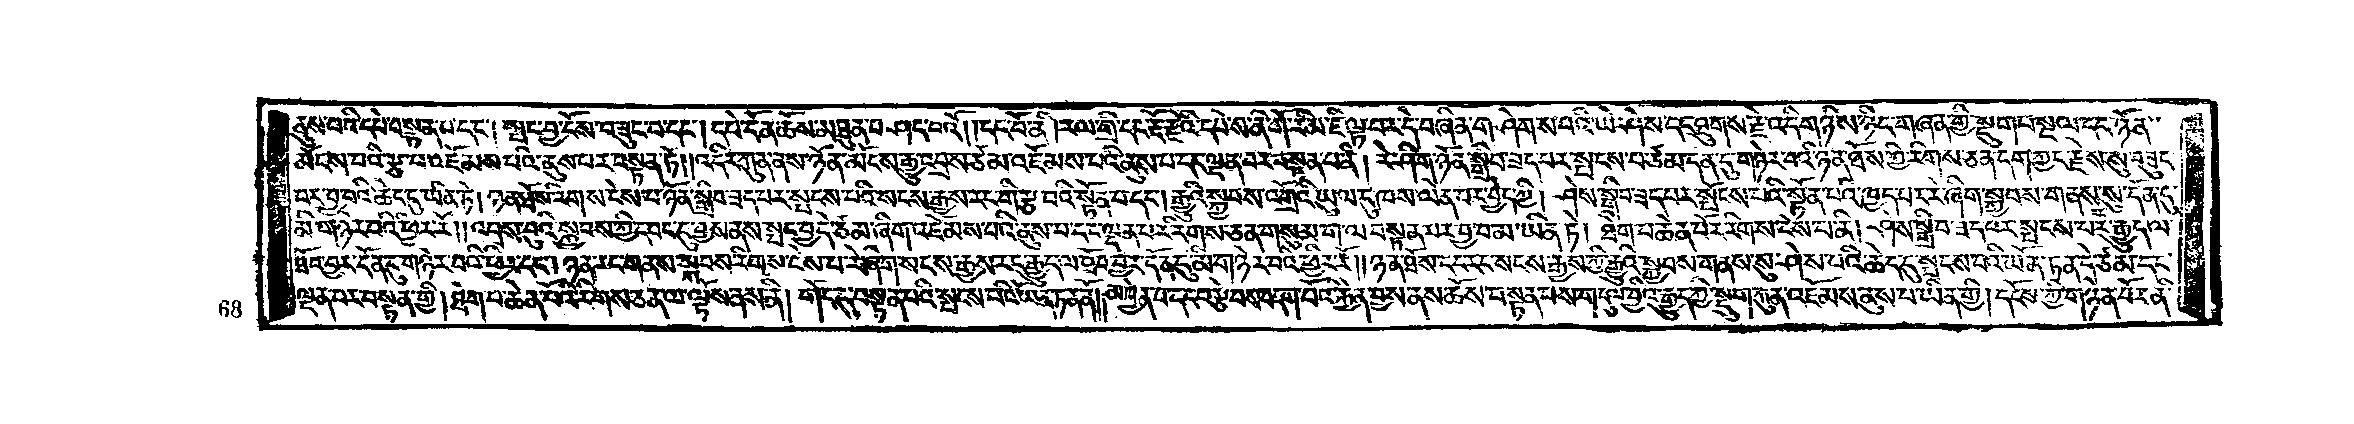ནུས་བའི་དཔེ་བསྟན་པ་དང་། སྤང་བྱ་ངོས་བཟུང་བ་དང་། དཔེ་དོན་ཆོས་མཐུན་བཤད་པའོ། །དང་པོ་ནི། རལ་གྲི་དང་རྡོ་རྗེའི་དཔེ་ས་ནི་གོ་རིམ་ཇི་ལྟ་བར་དེ་བཞིན་གཤེགས་པའི་ཡེ་ཤེས་དང་ཐུགས་རྗེ་འདི་གཉིས་ཉིད་གཞན་གྱི་སྡུག་བསྔལ་དང་ཉོན་
མོངས་པའི་རྩ་བ་འཇོམས་པའི་ནུས་པར་བསྟན་ཏོ། །འདིར་ཀུན་ནས་ཉོན་མོངས་རྒྱུ་འབྲས་ཙམ་འཇོམས་པའི་ནུས་པ་དང་ལྡན་པར་བསྟན་པ་ནི། རེ་ཤིག་ཉོན་སྒྲིབ་ཟད་པར་སྤངས་བ་ཙམ་དོན་དུ་གཉེར་བའི་ཉན་ཐོས་ཀྱི་རིགས་ཅན་དག་ཀྱང་རྗེས་སུ་བཟུང་
བར་བྱ་བའི་ཆེད་དུ་ཡིན་ཏེ། ཉན་ཐོས་རིགས་ངེས་པ་ཉོན་སྒྲིབ་ཟད་པར་སྤངས་པའི་སངས་རྒྱས་རང་གི་རྩ་བའི་སྟོན་པ་དང་། རྒྱུའི་སྐྱབས་འགྲོའི་ཡུལ་དུ་ཁས་ལེན་པར་བྱེད་ཀྱི། ཤེས་སྒྲིབ་ཟད་པར་སྤངས་པའི་སྟོན་པའི་ཁྱད་པར་རེ་ཞིག་སྐྱབས་གནས་སུ་དོན་དུ་
མི་གཉེར་པའི་ཕྱིར་རོ། །འབྲས་བུའི་སྐྱབས་ཀྱི་དབང་དུ་བྱས་ནས་སྤང་བྱེད་ཙམ་ཞིག་འཇོམས་པའི་ནུས་པ་དང་ལྡན་པར་རིགས་ཅན་གསུམ་ག་ལ་བསྟན་པར་བྱ་བ་མ་ཡིན་ཏེ། ཐེག་པ་ཆེན་པོར་རིགས་ངེས་པ་ནི། ཤེས་སྒྲིབ་ཟད་པར་སྤངས་པར་རྒྱུད་ལ་
ཐོབ་བྱར་དོན་དུ་གཉེར་བའི་ཕྱིར་དང་། ཉན་རང་གནས་སྐབས་རིགས་ངེས་པ་རེ་ཞིག་སངས་རྒྱས་རང་རྒྱུད་ལ་ཐོབ་བྱར་དོན་དུ་མི་གཉེར་པའི་ཕྱིར་རོ། །ཉན་ཐོས་དང་རང་སངས་རྒྱས་ཀྱི་རྒྱུའི་སྐྱབས་གནས་སུ་ཤེས་པའི་ཆེད་དུ་སྤངས་པའི་ཡོན་ཏན་དེ་ཙམ་དང་
ལྡན་པར་བསྟན་གྱི་།ཐེག་པ་ཆེན་པོའི་རིགས་ཅན་ལ་ལྟོས་ནས་ནི། གོང་དུ་བསྟན་པའི་སྤངས་པའི་ཡོན་ཏན་ནོ། །མཁྱེན་པ་དང་བརྩེབས་པ་བདག་པོའི་རྐྱེན་བྱས་ནས་ཆོས་བསྟན་པས་གདུལ་བྱའི་རྒྱུད་ཀྱི་སྡུག་ཀུན་འཇོམས་ནུས་པ་ཡིན་གྱི། དངོས་ཀྱི་གཉེན་པོར་ནི་